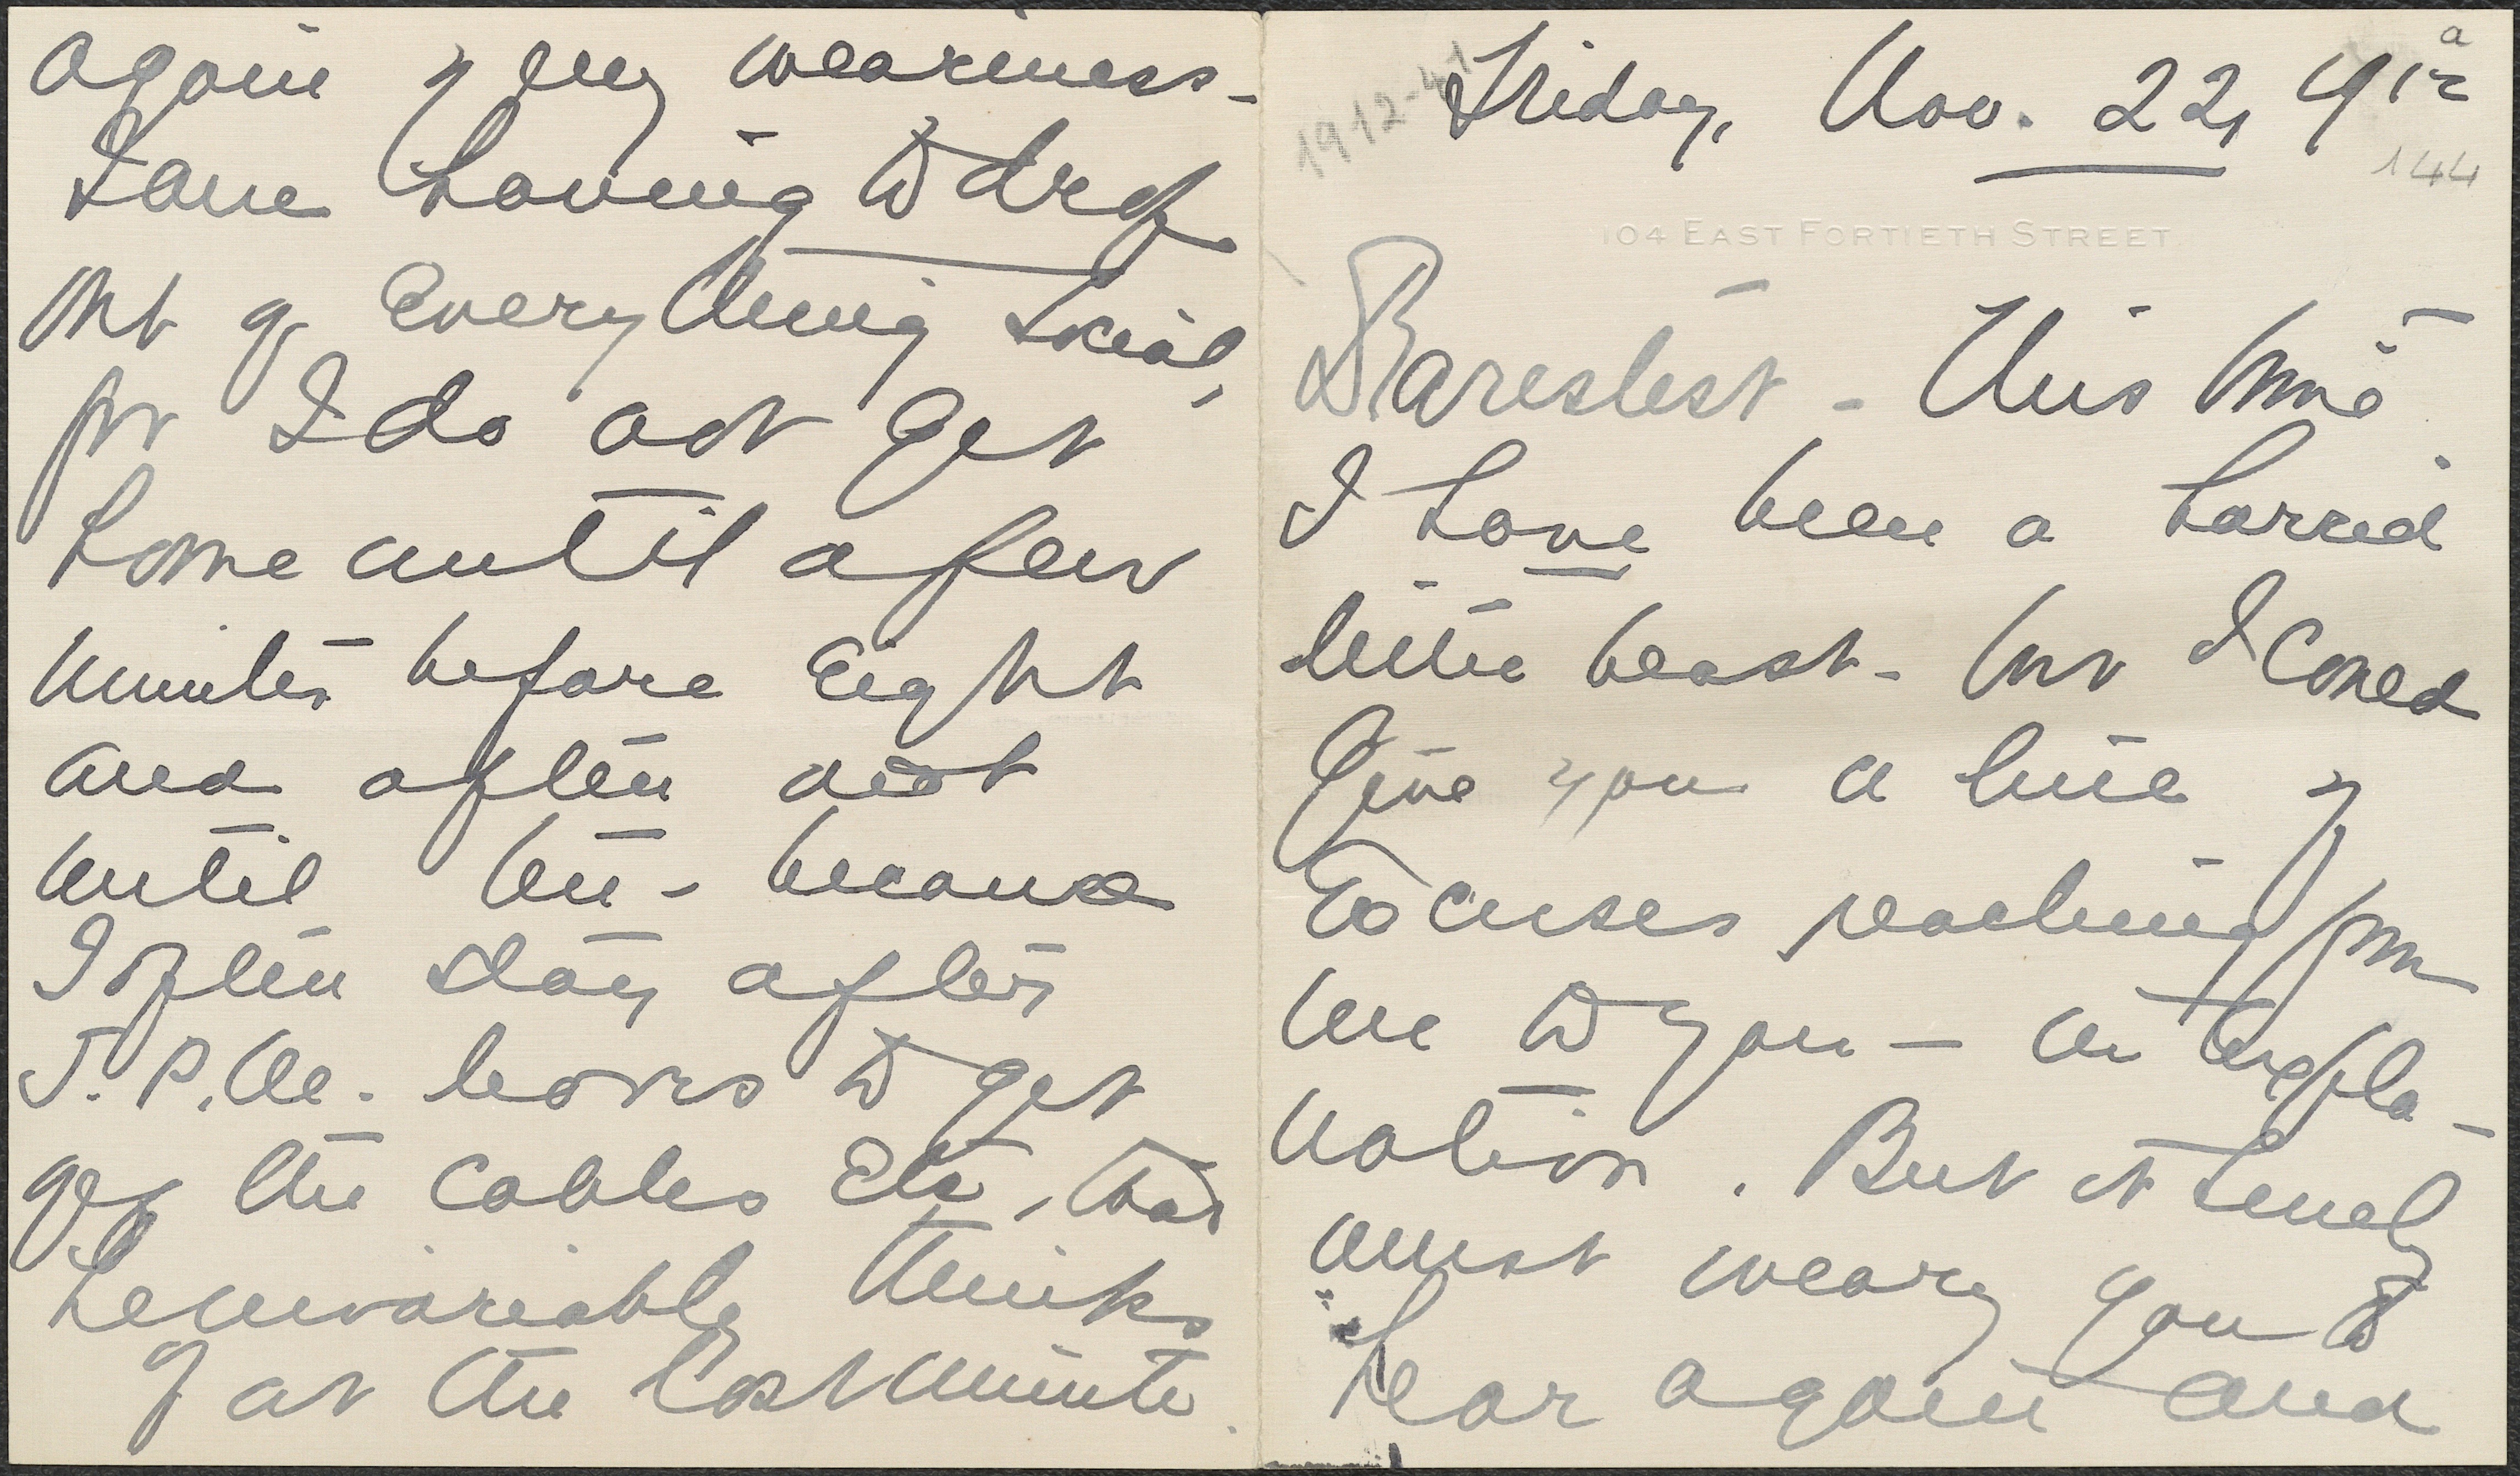Friday, Nov. 22, 1912
Dearestest – This time I have been a horrid little beast – but I could give you a line of excuses reaching from me to you – in explanation. But it surely must weary you to hear again and
again of my weariness – I am having to drop out of everything social, for I do not get home until a few minutes before eight and often not until ten – because I often stay after J. P. M. leaves to get off the cables etc, that he invariably thinks of at the last minute.